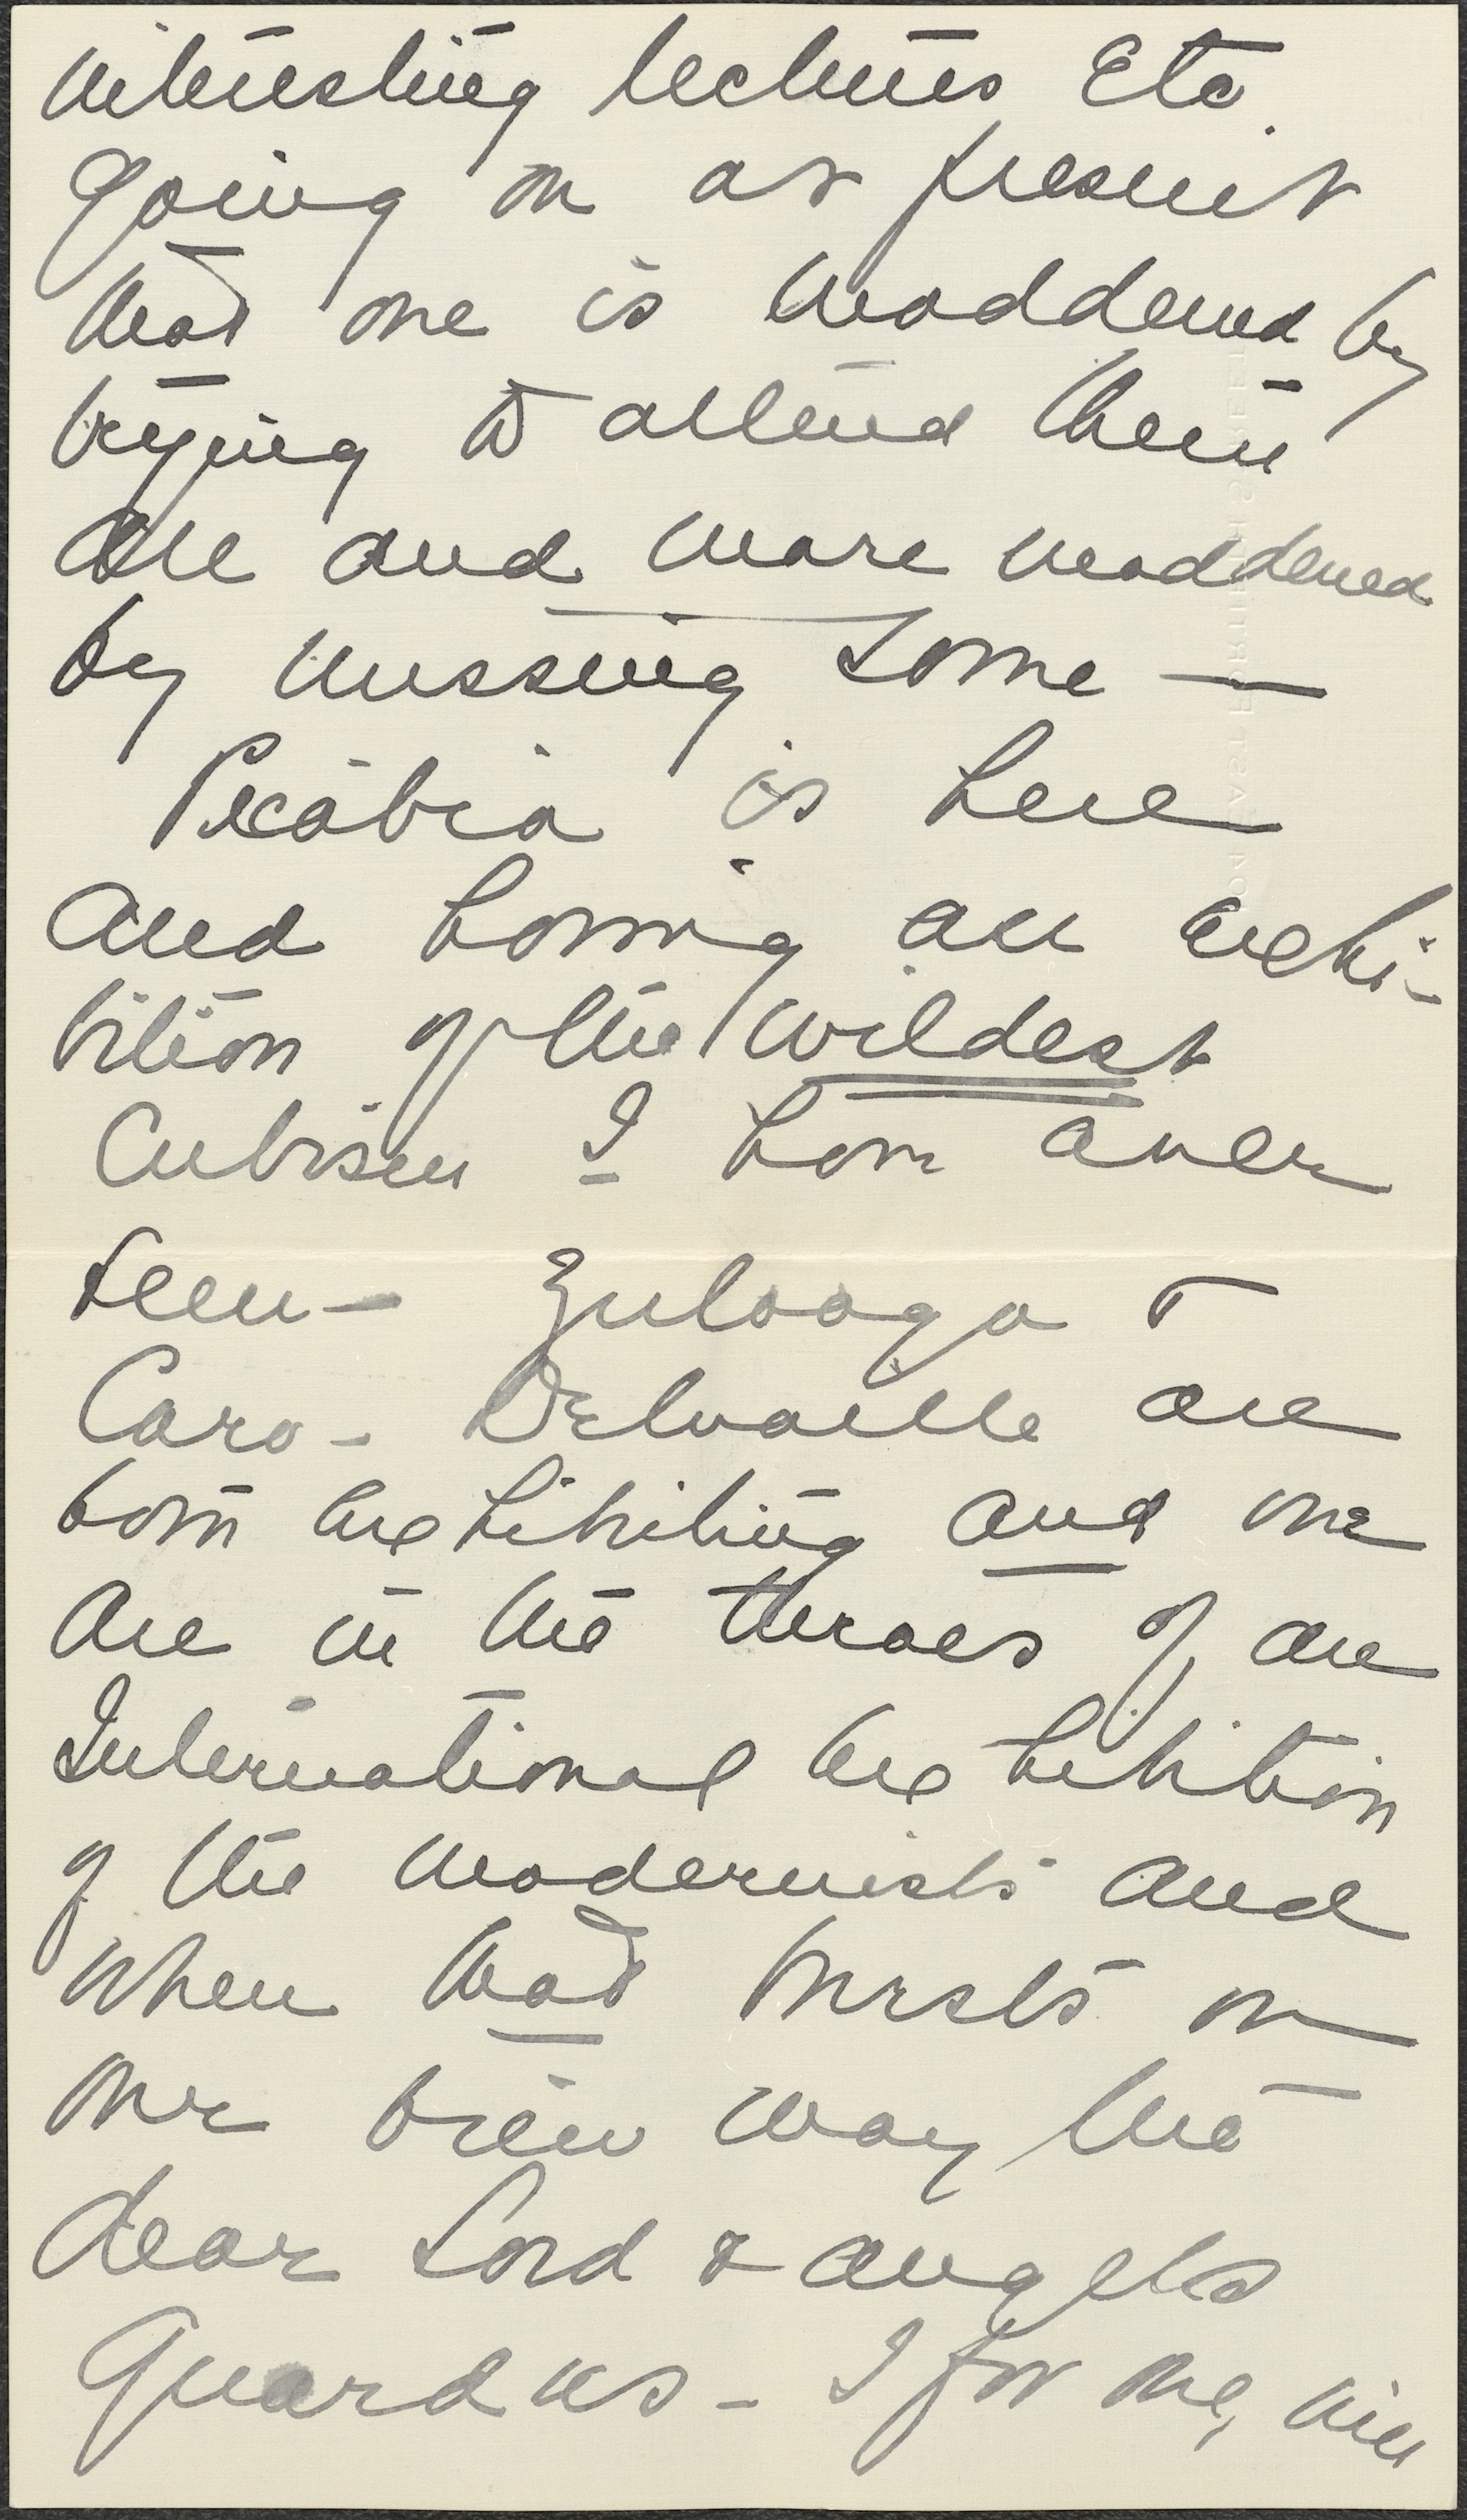interesting lectures etc. going on at present that one is maddened by trying to attend them all and more maddened by missing some –
Picabia is here and having an exhibition of the [double underlined: wildest] Cubism I have ever seen – Zuloaga & Caro-Delvaille are both exhibiting and we are in the throes of an international exhibition of the modernists and when that burst on our view may the dear Lord & angels guard us – I for one, will